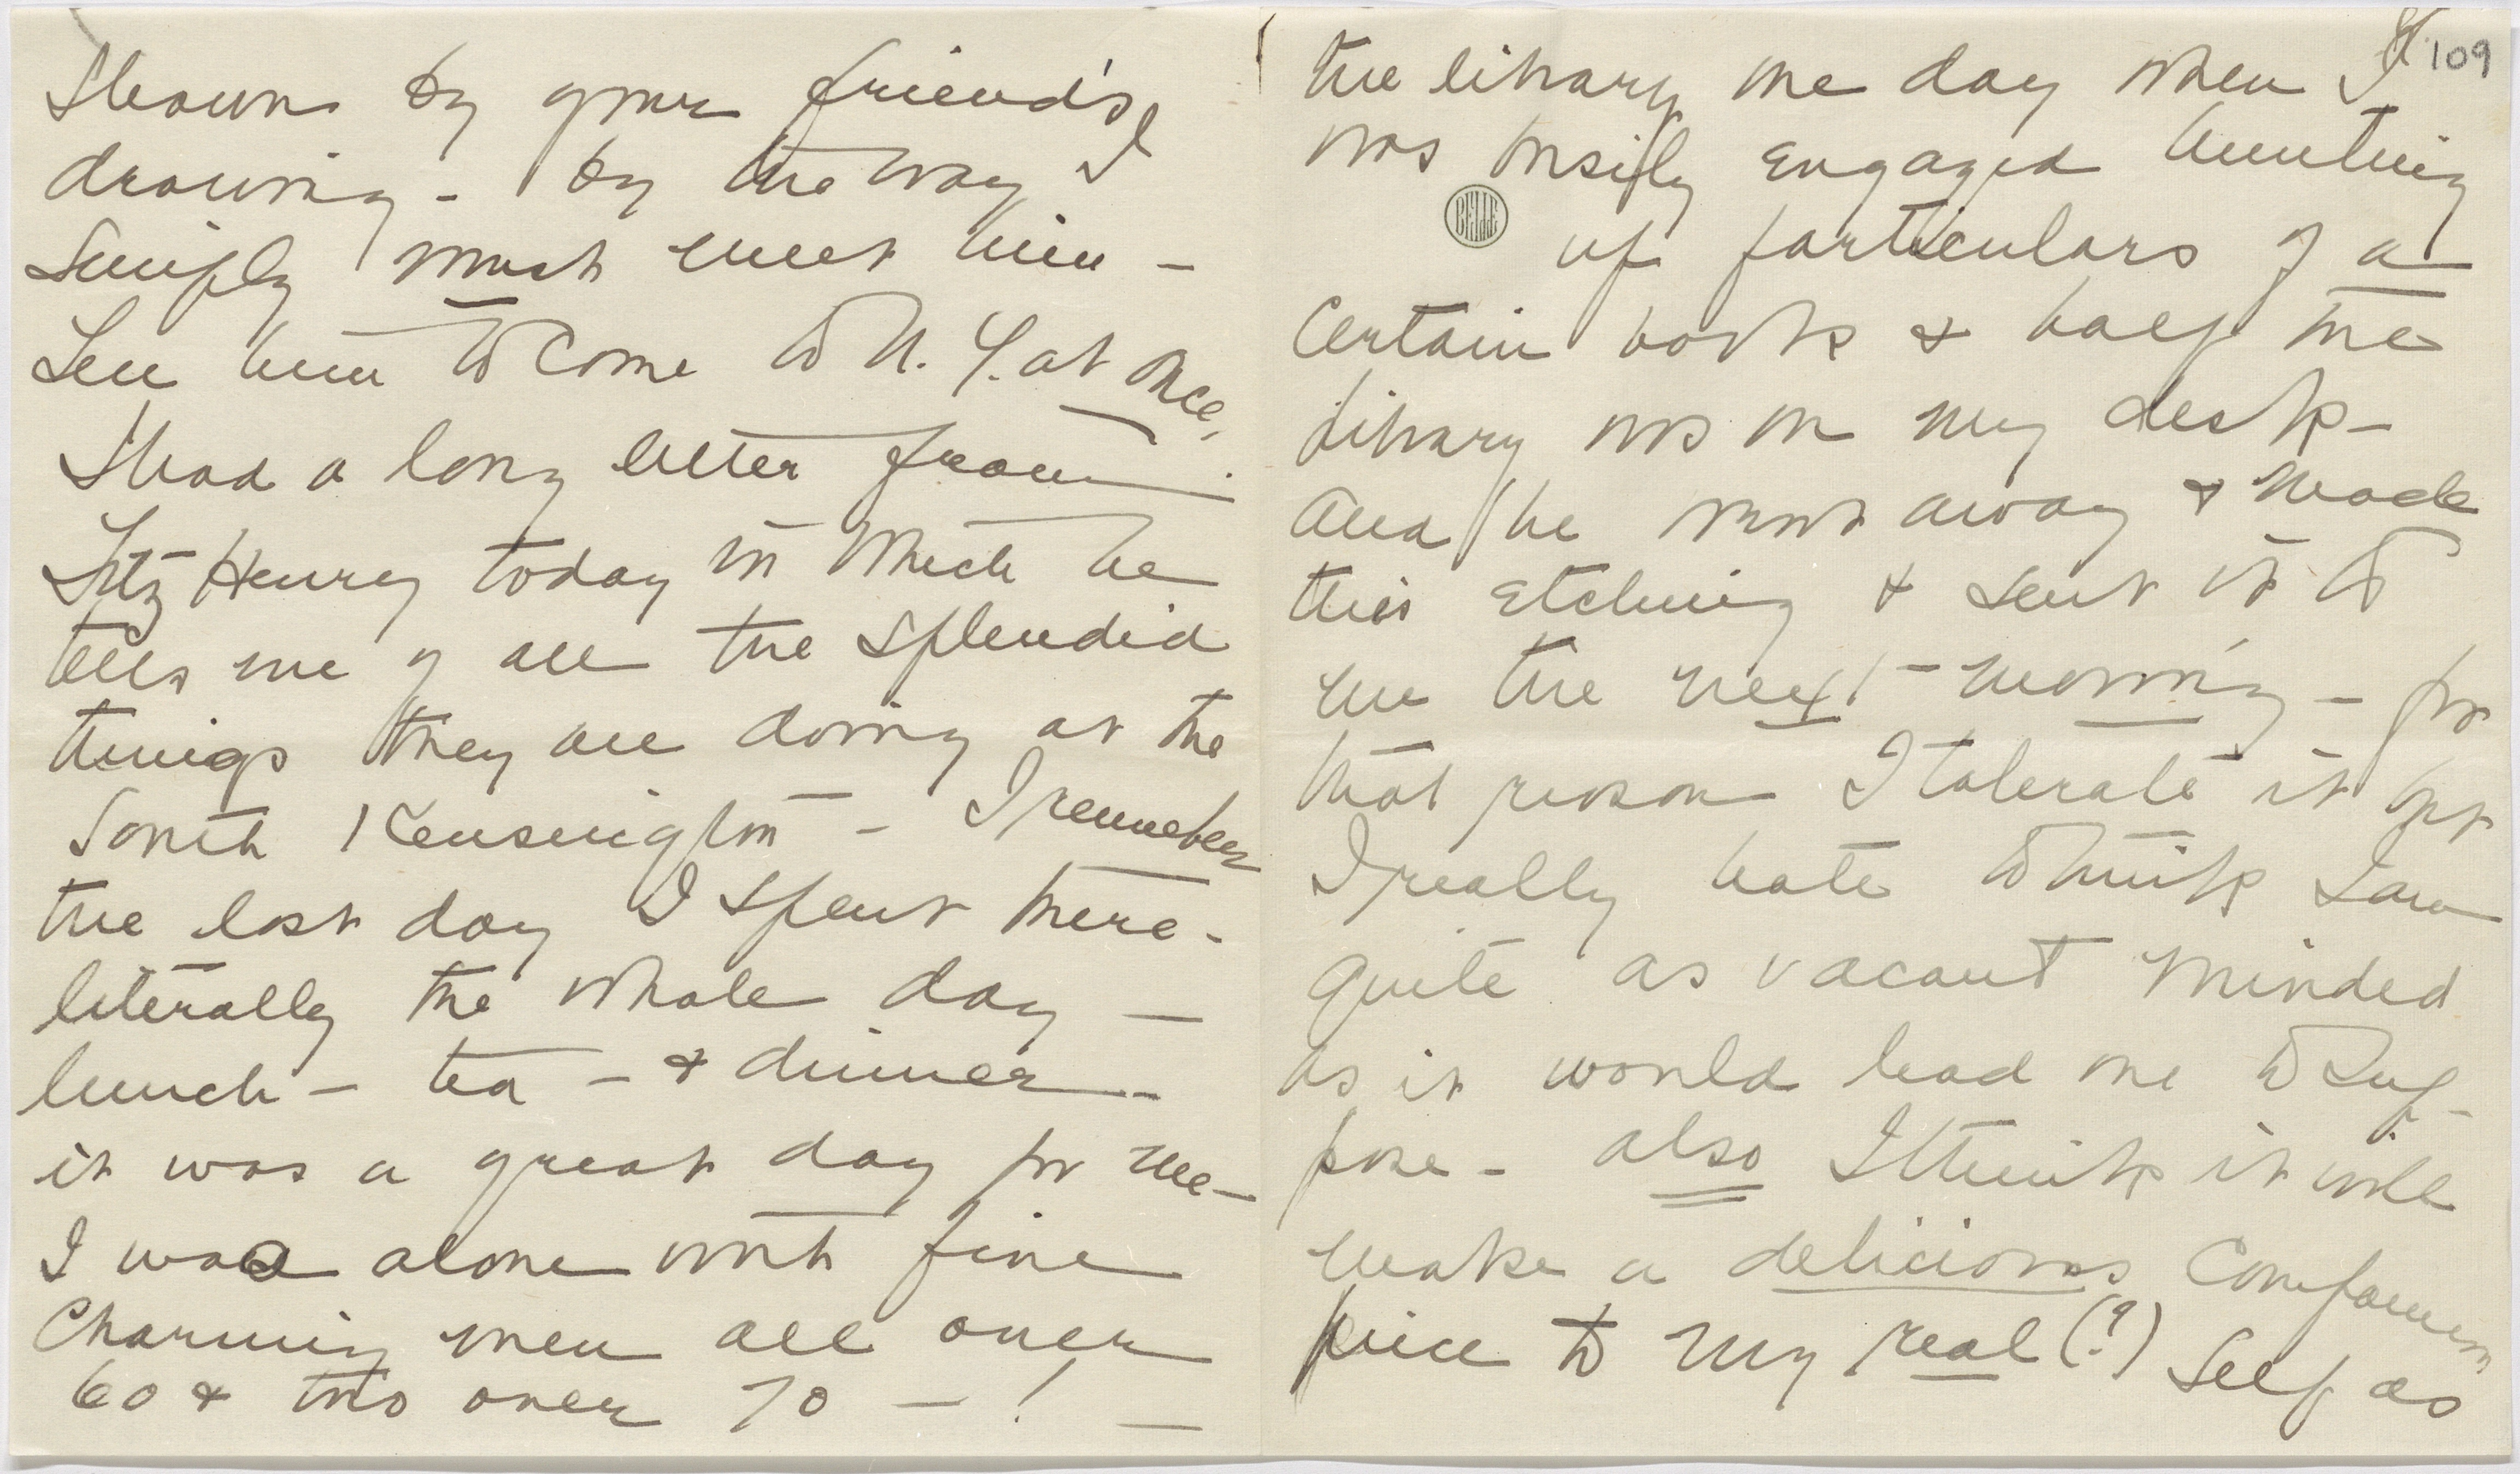the library one day when I was busily engaged hunting up particulars of a certain book & half the Library was on my desk – and he went away & made this etching & sent it to me the next-morning – for that reason I tolerate it but I really hate to think I am quite as vacant minded as it would lead one to suppose – [double underlined: also] I think it will make a delicious companion piece to my real (?) self as
shown by your friend’s drawing – by the way I simply must meet him – Tell him to come to N. Y. at once, I had a long letter from FitzHenry today in which he tells me of all the splendid things they are doing at the South Kensington – I remember the last day I spent there – literally the whole day – lunch – tea – & dinner – it was a great day for me – I was alone with fine charming men all over 60 & two over 70 – ! –